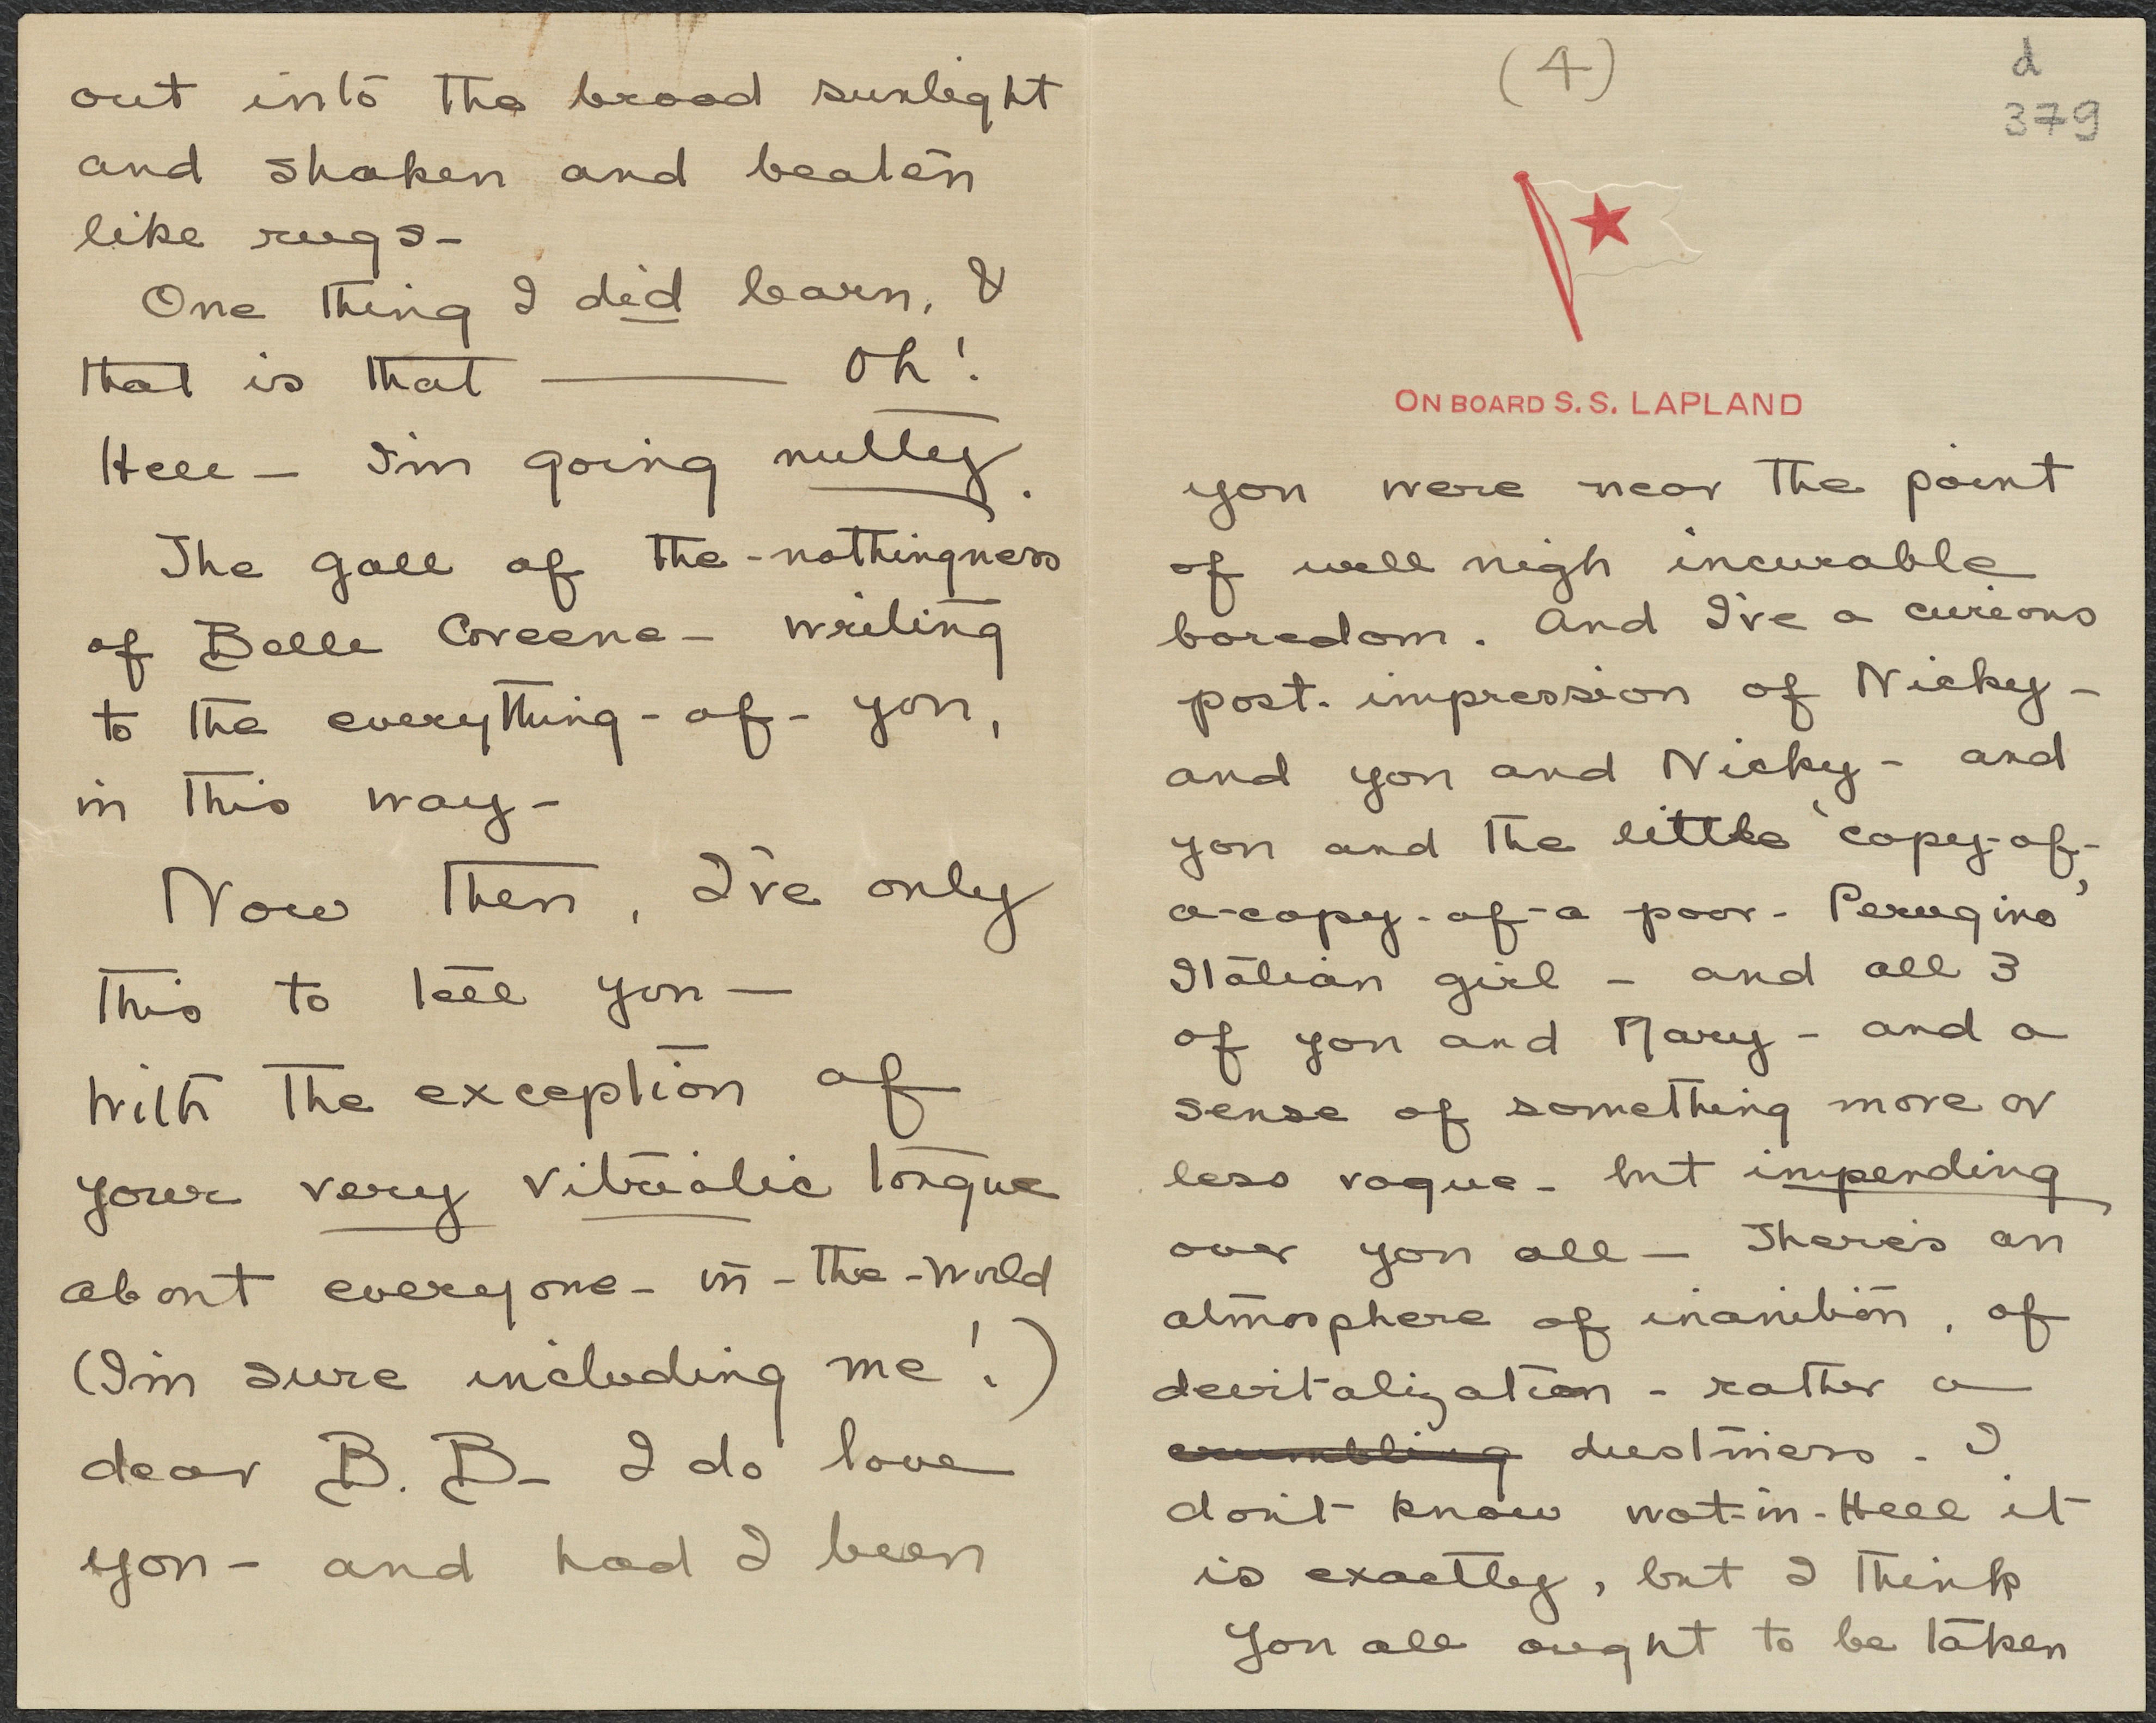(4)
you were near the point of well nigh incurable boredom. And I've a curious post-impression of Nicky – and you and Nicky – and you and the little ‘copy-of-a-copy-of-a-poor-Perugino’ Italian girl – and all 3 of you and Mary – and a sense of something more or less rogue – but impending over you all – There’s an atmosphere of inanition, of devitalization – rather a crumbling dustiness – I don’t know wat-in-Hell it is exactly, but I think you all ought to be taken
out into the broad sunlight and shaken and beaten like rugs –
One thing I did learn, & that is that – oh! Hell – I’m going nutty.
The gall of the-nothingness of Belle Greene – writing to the everything-of-you, in this way –
Now then, I’ve only this to tell you –
with the exception of your very vitriolic tongue about everyone-in-the-world (I’m sure including me!) dear B.B – I do love you – and had I been